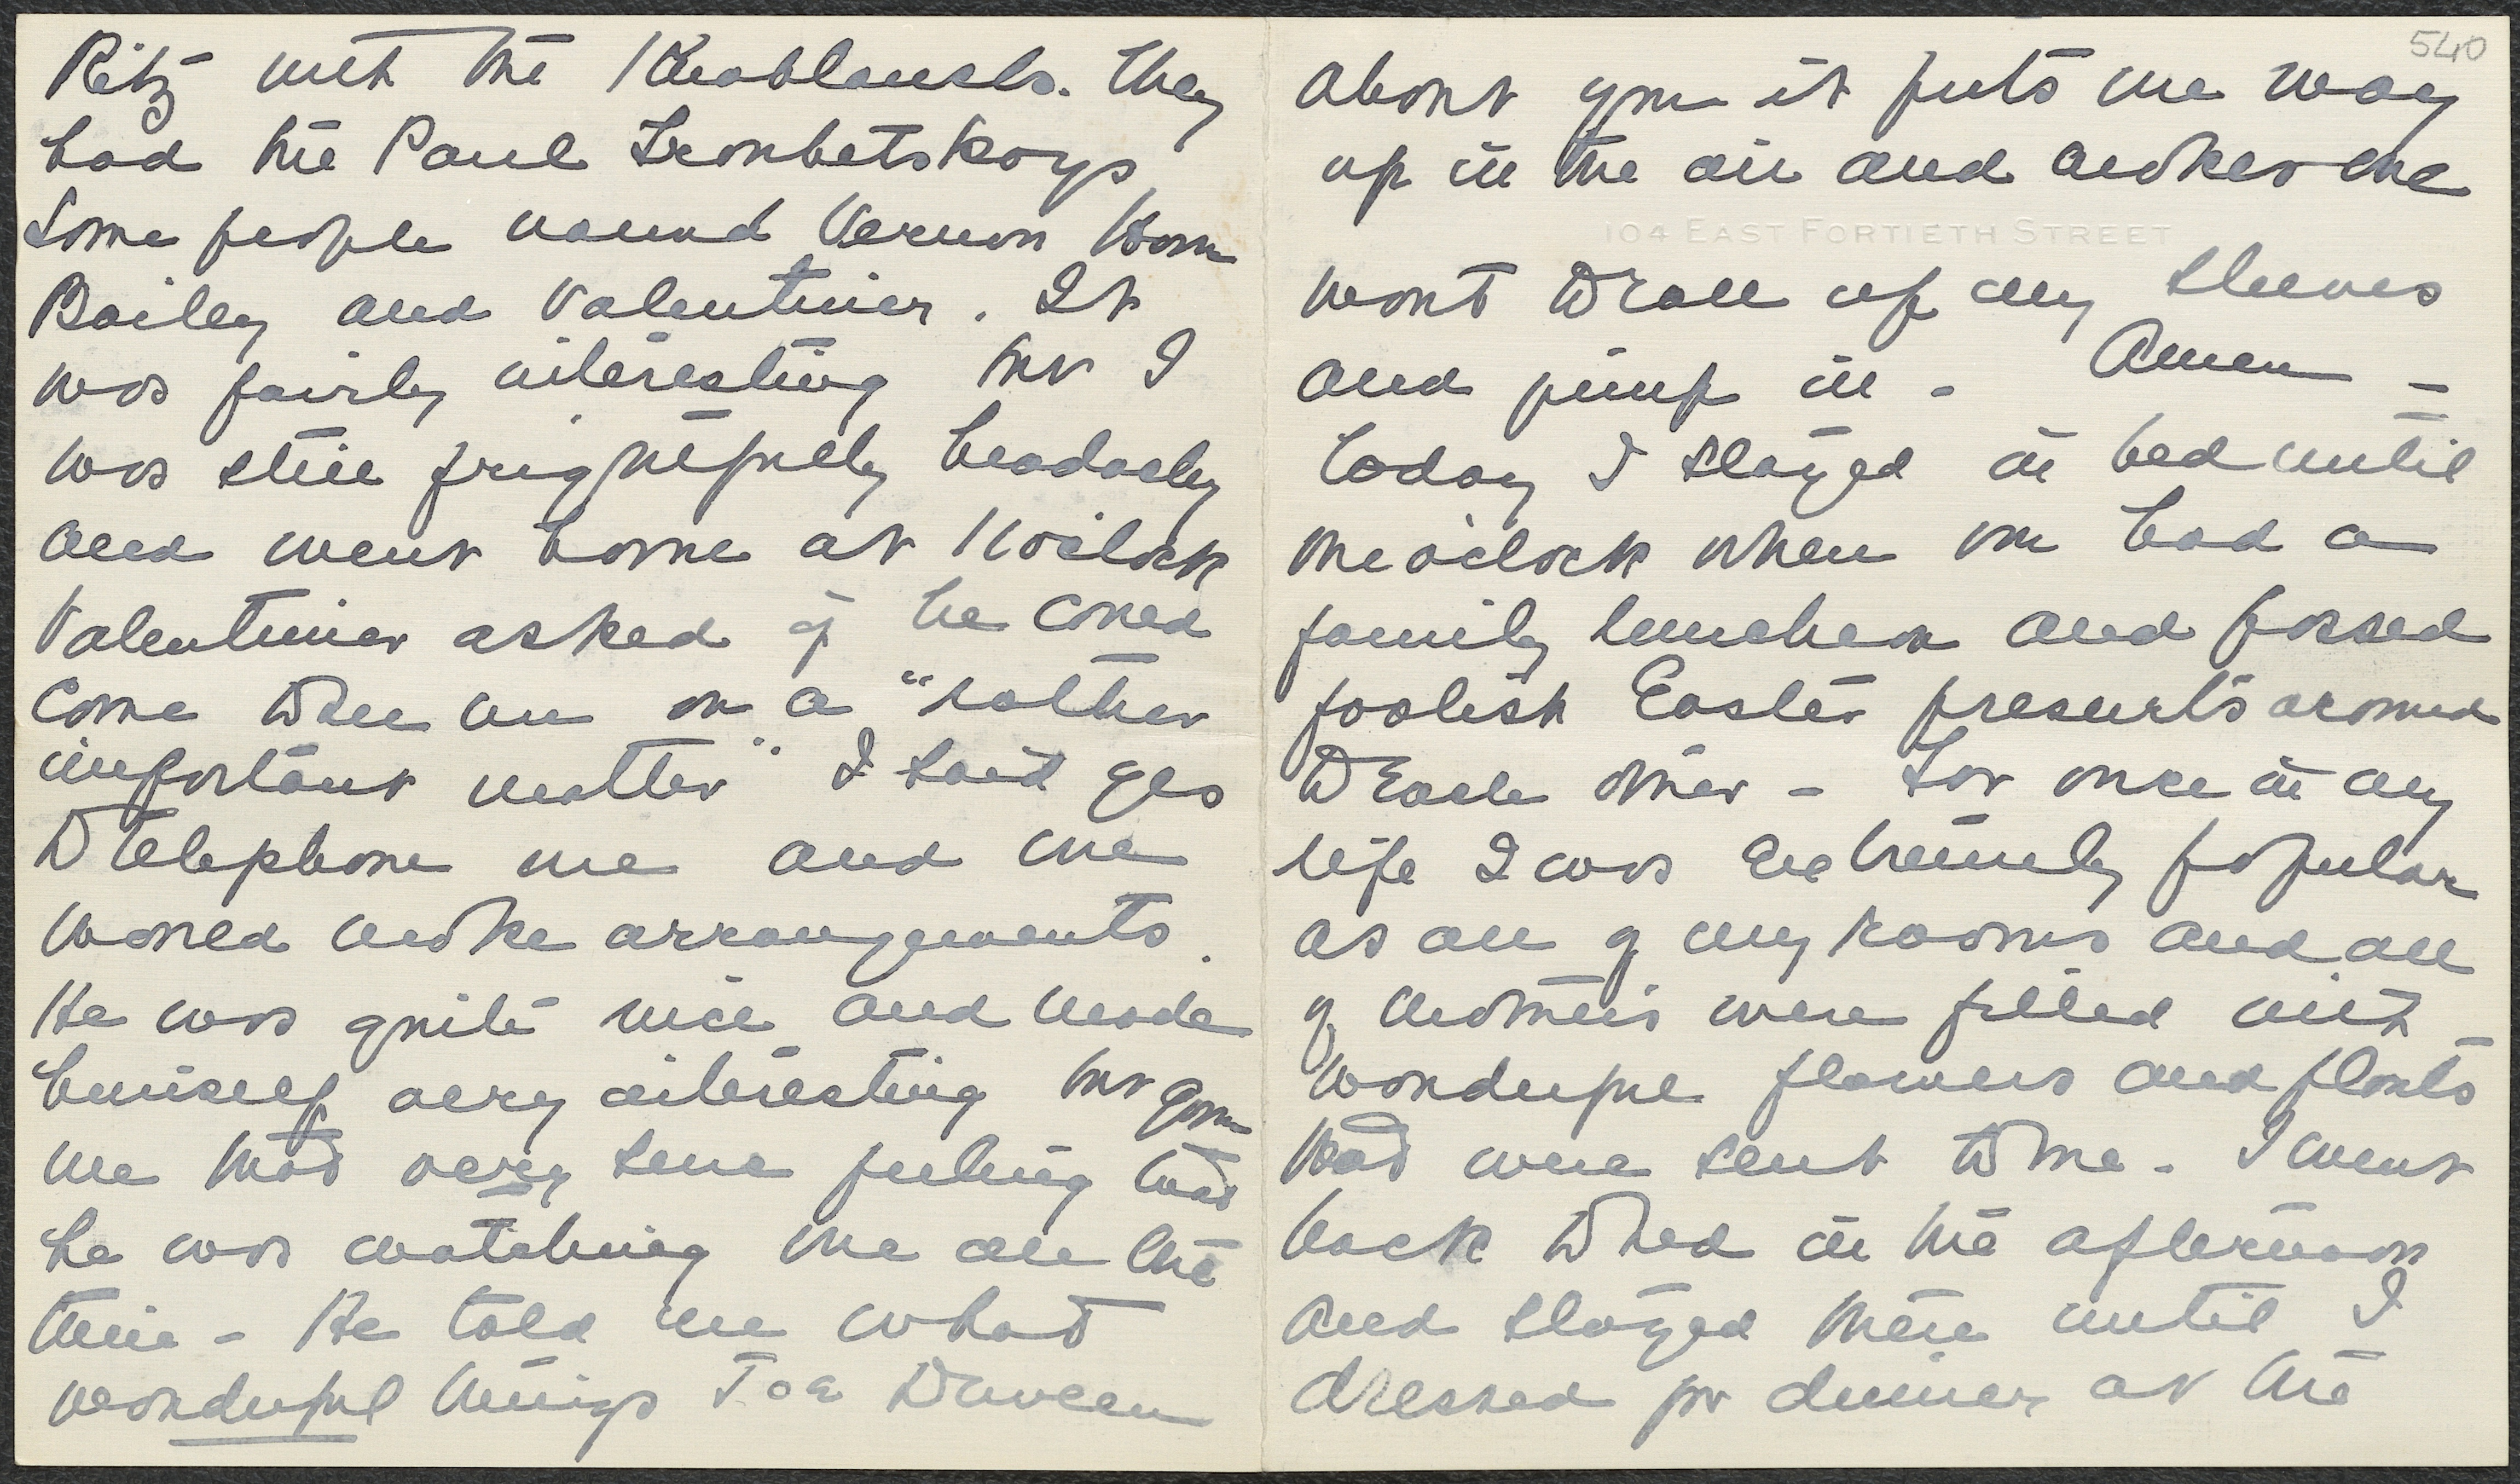about you it puts me way up in the air and makes me want to roll up my sleeves and jump in – Amen – today I stayed in bed until one o’clock when we had a family luncheon and passed foolish Easter presents around to each other – For once in my life I was extremely popular as all of my rooms and all of mother’s were filled with wonderful flowers and plants that were sent to me – I went back to bed in the afternoon and stayed there until I dressed for dinner at the
Ritz with the Knoblauchs. They had the Paul Troubetskoys, some people named Vernon Howe Bailey and Valentiner. It was fairly interesting but I was still frightfully headachy and went home at 11 o’clock Valentiner asked if he could come to see me on a “rather important matter” I said yes to telephone me and we would make arrangements. He was quite nice and made himself very interesting but gave me that very sure feeling that he was watching me all the time – He told me what wonderful things Joe Duveen